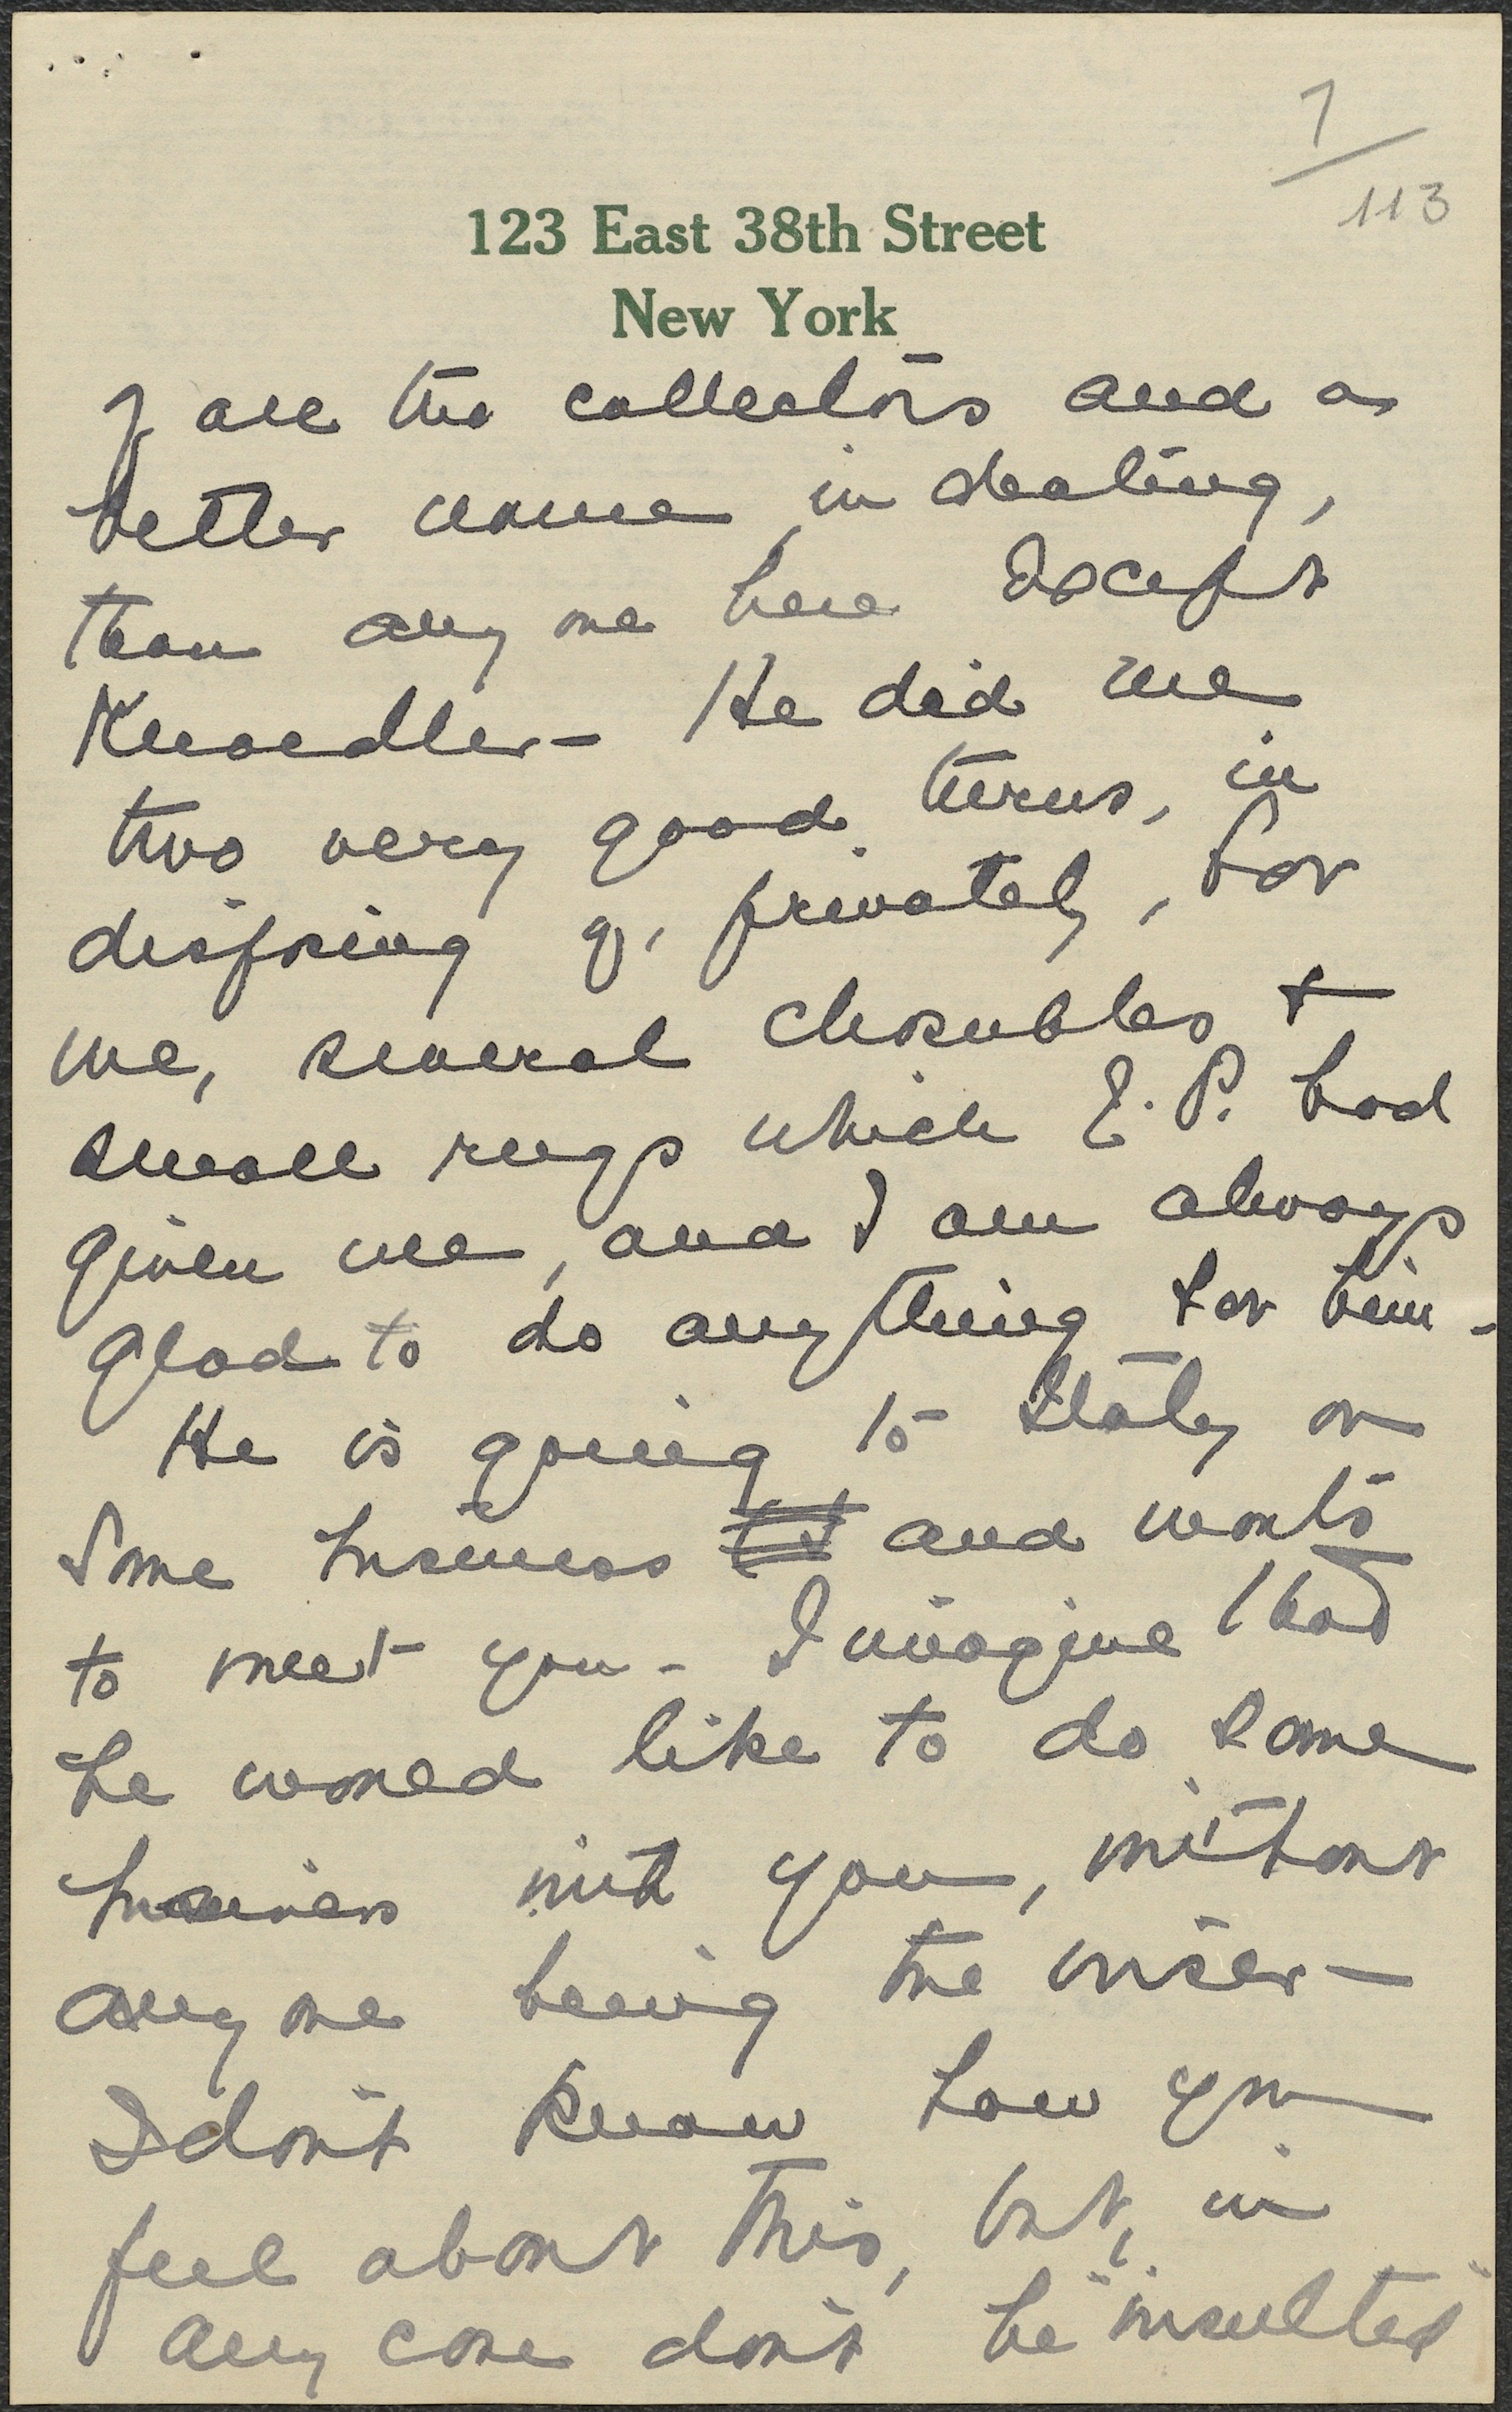of all the collectors and a better name in dealing, than any one here except Knoedler – He did me two very good turns, in disposing of, privately, for me, several chasubles & small rugs which J.P. had given me, and I am always glad to do anything for him –
He is going to Italy on some business (I and wants to meet you – I imagine that he would like to do some business with you, anyone being the wiser – I don’t know how you feel about this, but in any case don’t be "insulted"